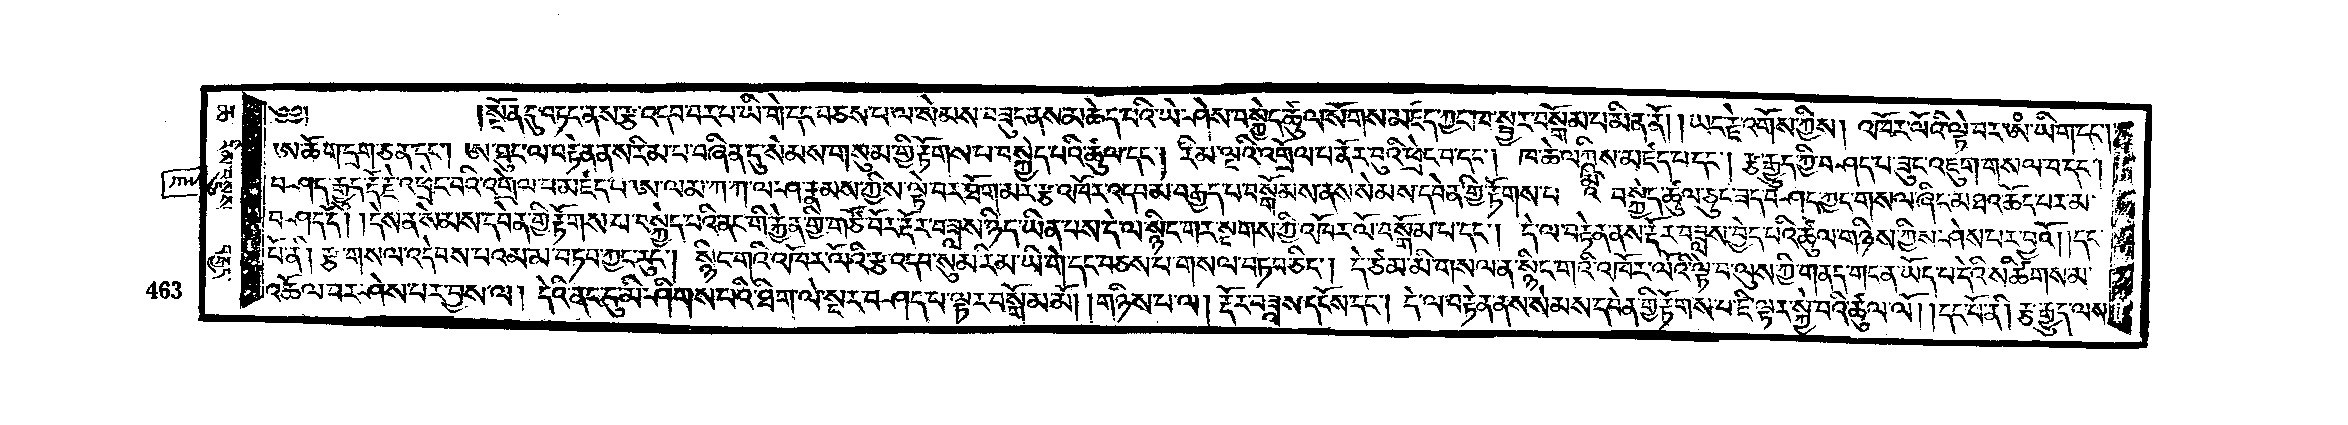༄༅། །སྔོན་དུ་བཏང་ནས་རྩ་འདབ་བར་པ་ཡི་གེ་དང་བཅས་པ་ལ་སེམས་བཟུང་ནས་མཆེད་པའི་ཡེ་ཤེས་བསྐྱེད་ཚུལ་སོགས་མཛད་ཀྱང་ཁ་སྦྱར་བསྒོམ་པ་མིན་ནོ། །ཡང་རྗེ་འགོས་ཀྱིས། འཁོར་ལོའི་ལྟེ་བར་ཨཾ་ཡིག་དང་།
ཨ་ཚེག་དྲག་ཅན་དང་། ཨ་ཐུང་ལ་བརྟེན་ནས་རིམ་པ་བཞིན་དུ་སེམས་གསུམ་གྱི་རྟོགས་པ་བསྐྱེད་པའི་ཚུལ་དང་། རིམ་ལྔའི་འགྲེལ་པ་ནོར་བུའི་ཕྲེང་བ་དང་། ཁ་ཆེ་ལཀྵྨཱིས་མཛད་པ་དང་། རྩ་རྒྱུད་ཀྱི་བཤད་པ་ཟུང་འཇུག་གསལ་བ་དང་།
བཤད་རྒྱུད་རྡོ་རྗེ་འཕྲེང་བའི་འགྲེལ་པ་མཛད་པ་ཨ་ལམ་ཀ་ཀ་ལ་ཤ་རྣམས་ཀྱིས་ལྟེ་བར་ཐོག་མར་རྩ་འཁོར་འདབ་མ་བརྒྱད་པ་བསྒོམས་ནས་སེམས་དབེན་གྱི་རྟོགས་པ་བསྐྱེད་ཚུལ་ཅུང་ཟད་བཤད་ཀྱང་གསལ་ཞིང་མཐའ་ཆོད་པར་མ་
བཤད་དོ། །དེས་ན་སེམས་དབེན་གྱི་རྟོགས་པ་བསྐྱེད་པའི་ནང་གི་རྐྱེན་གྱི་གཙོ་བོར་རྡོར་བཟླས་ཉིད་ཡིན་པས་དེ་ལ་སྙིང་གར་སྔགས་ཀྱི་འཁོར་ལོ་བསྒོམ་པ་དང་། དེ་ལ་བརྟེན་ནས་རྡོར་བཟླས་བྱེད་པའི་ཚུལ་གཉིས་ཀྱིས་ཤེས་པར་བྱའོ། །དང་
པོ་ནི། རྩ་གསལ་འདེབས་པའམ་མ་བཏབ་ཡང་རུང་། སྙིང་གའི་འཁོར་ལོའི་རྩ་འདབ་སུམ་རིམ་ཡི་གེ་དང་བཅས་པ་གསལ་བཏབ་ཅིང་། དེ་ཙམ་མི་གསལ་ན་སྙིང་གའི་འཁོར་ལོའི་ལྟེ་བ་ལུས་ཀྱི་གནད་གང་ན་ཡོད་པ་དེའི་ས་ཚིགས་མ་
འཆོལ་བར་ཤེས་པར་བྱས་ལ། དེའི་ནང་དུ་མི་ཤིགས་པའི་ཐིག་ལེ་སྔར་བཤད་པ་ལྟར་བསྒོམ་མོ། །གཉིས་པ་ལ། རྡོར་བཟླས་དངོས་དང་། དེ་ལ་བརྟེན་ནས་སེམས་དབེན་གྱི་རྟོགས་པ་ཇི་ལྟར་སྐྱེ་བའི་ཚུལ་ལོ། །དང་པོ་ནི། རྩ་རྒྱུད་ལས་